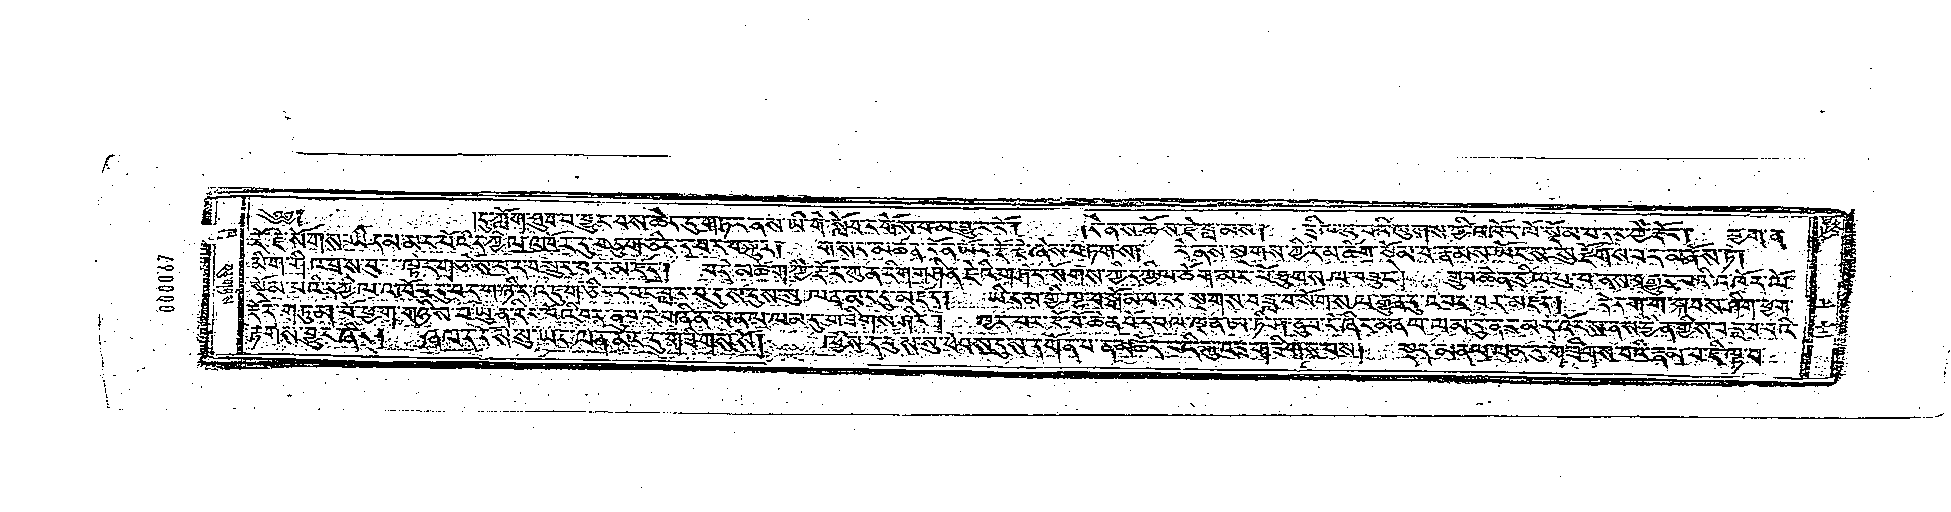༄༅། །དུ་ཀློག་གྲུབ་པ་བྱུང་བས་ཆེད་དུ་གཏང་ནས་ཡི་གེ་སློབ་དགོས་པ་མ་བྱུང་ངོ། །དེ་ནས་ཆོས་རྗེ་བླ་མས། དྲིལ་བུ་པའི་ལུགས་ཀྱི་འཁོར་ལོ་སྡོམ་པ་དང་ཀྱཻ་རྡོར། ཕྱག་ན་
རྡོ་རྗེ་སོགས་ཡི་དམ་མང་པོའི་དཀྱིལ་འཁོར་དུ་བཅུག་ཅིང་དབང་བསྐུར། གསང་མཚན་དོན་ཡོད་རྡོ་རྗེ་ཞེས་བཏག་ས། དེ་ནས་སྔགས་ཀྱི་དམ་ཚིག་སྡོམ་བ་རྣམས་ཡོངས་སུ་རྫོགས་པར་མནོས་ཏེ།
མིག་གི་འབྲས་བུ་ལྟར་གཅེས་པར་བསྲུང་བར་མཛད། བདེ་མཆོག་ཀྱཻ་རྡོར་ཀུན་རིག་གཤིན་རྗེའི་གཤེད་སོགས་ཀྱི་དཀྱིལ་ཆོག་མང་པོ་ཐུགས་ལ་བཟུང་། གྲུབ་ཆེན་དྲིལ་པུ་བ་ནས་བརྒྱུད་བའི་འཁོར་ལོ་
སྡོམ་པའི་དཀྱིལ་འཁོར་དུ་བར་གཉིད་འཇུག་ཅིང་དབང་བླང་བ་དུས་དུས་སུ་ལན་མང་དུ་མཛད། ཡི་དམ་གྱི་ལྷ་བསྒོམ་བ་དང་སྔགས་བཟླ་བ་སོགས་ལ་རྒྱུན་དུ་འབར་པར་མཛད། དེ་དག་གི་སྐབས་ཤིག་ཕྱག་
རྡོར་གཏུམ་པོ་ཕྱག་གཉིས་བ་ཡུན་རིང་པོའི་བར་ནུབ་རེ་བཞིན་མནལ་ལམ་དུ་གཟིགས་ཤིང་། ཁྱད་པར་ཐོ་བོ་ཆེན་པོ་དཔལ་ལྡན་ཨ་ཏི་ཤ་ནུབ་རེ་ཞིང་མནའ་ལམ་དུ་ནང་མར་འོངས་ནས་བྱིན་གྱིས་བརླབ་བའི་
རྟགས་བྱུང་ཞིང་། ཞལ་དངོས་སུ་ཡང་ལན་མང་དུ་གཟིགས་སོ། །ཕྱིས་དབུས་སུ་ཕེབས་དུས་དགོན་པ་ན་མཆོད་བའི་སྐུ་འདྲ་གཟིགས་པས། སྔར་མནལ་ལན་དུ་གཟིགས་བའི་རྣམ་བ་ཇི་ལྟ་བ་